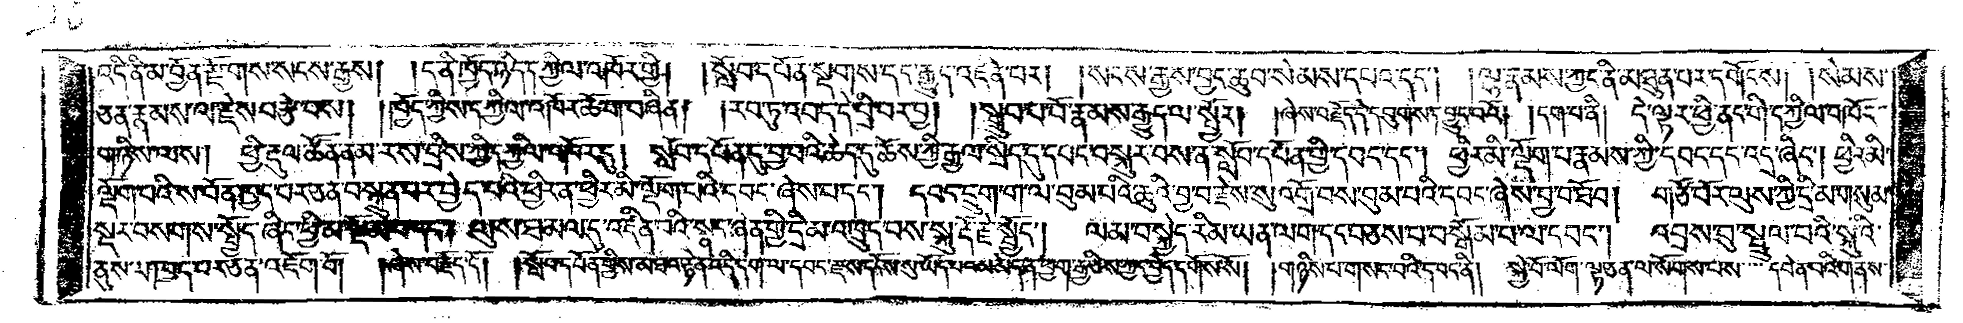འདི་ནི་མ་བྱོན་རྫོགས་སངས་རྒྱས། །ད་ནི་ཁྱོད་ཉིད་དཀྱིལ་འཁོར་གྱི། །སློབ་དཔོན་སྔགས་དང་རྒྱུད་འཛིན་པར། །སངས་རྒྱས་བྱང་ཆུབ་སེམས་དཔའ་དང་། །ལྷ་རྣམས་ཀྱང་ནི་མཐུན་པར་དགོངས། །སེམས་
ཅན་རྣམས་ལ་རྗེས་བརྩེ་བས། །ཁྱོད་ཀྱིས་དཀྱིལ་འཁོར་ཆོ་ག་བཞིན། །རབ་ཏུ་འབད་དེ་བྲི་བར་བྱ། །སྒྲུབ་པ་པོ་རྣམས་རྒྱུད་ལ་སྦྱོར། །ཞེས་བརྗོད་དེ་དབུགས་དབྱུང་བའོ། །དག་པ་ནི།  དེ་ལྟར་ཕྱི་ནང་གི་དཀྱིལ་འཁོར་
གཉིས་ལས། ཕྱི་རྡུལ་ཚོན་ནམ་རས་བྲིས་ཀྱི་དཀྱིལ་འཁོར་དུ། སློབ་དཔོན་དུ་བྱ་བའི་ཆེད་དུ་ཆོས་ཀྱི་རྒྱལ་སྲིད་དུ་དབང་བསྐུར་བས་ན་སློབ་དཔོན་གྱི་དབང་དང་། ཕྱིར་མི་ལྡོག་པ་རྣམས་ཀྱི་དབང་དང་འདྲ་ཞིང་། ཕྱིར་མི་
ལྡོག་པའི་ས་བོན་ཁྱད་པར་ཅན་བསྐྲུན་པར་བྱེད་པའི་ཕྱིར་ན་ཕྱིར་མི་ལྡོག་པའི་དབང་ཞེས་པ་དང་། དབང་དྲུག་ག་ལ་བུམ་པའི་ཆུའི་བྱ་བ་རྗེས་སུ་འགྲོ་བས་བུམ་པའི་དབང་ཞེས་བྱ་བ་ཐོབ། གཙོ་བོར་ལུས་ཀྱི་དྲི་མ་གསུམ་
སྔར་བསགས་སྤྱོད་ཞིང་ཕྱི་མ་སྡོམ་པ་དང་། ལུས་ཐ་མལ་དུ་འཛིན་པའི་སྣང་ཞེན་གྱི་དྲི་མ་འཁྲུད་བས་སྐུ་རྡོ་རྗེ་སྦྱོང་། ལམ་བསྐྱེད་རིམ་ཡན་ལག་དང་བཅས་པ་བསྒོམ་པ་ལ་དབང་། འབྲས་བུ་སྤྲུལ་བའི་སྐུའི་
ནུས་ལ་ཁྱད་པར་ཅན་འཇོག་གོ །ཞེས་བརྗོད་དོ། །སློབ་དཔོན་གྱིས་མཐའ་རྟེན་འདི་དག་ལ་དབང་རྫས་དངོས་སུ་ཡོད་པའམ་མེད་ན་ཕྱག་རྒྱ་ཅིས་ཀྱང་བྱེད་དགོས་སོ། །གཉིས་པ་གསང་བའི་དབང་ནི། སྐྱེ་བོ་ལོག་ལྟ་ཅན་ལ་སོགས་པས་དབེན་པའི་གནས་